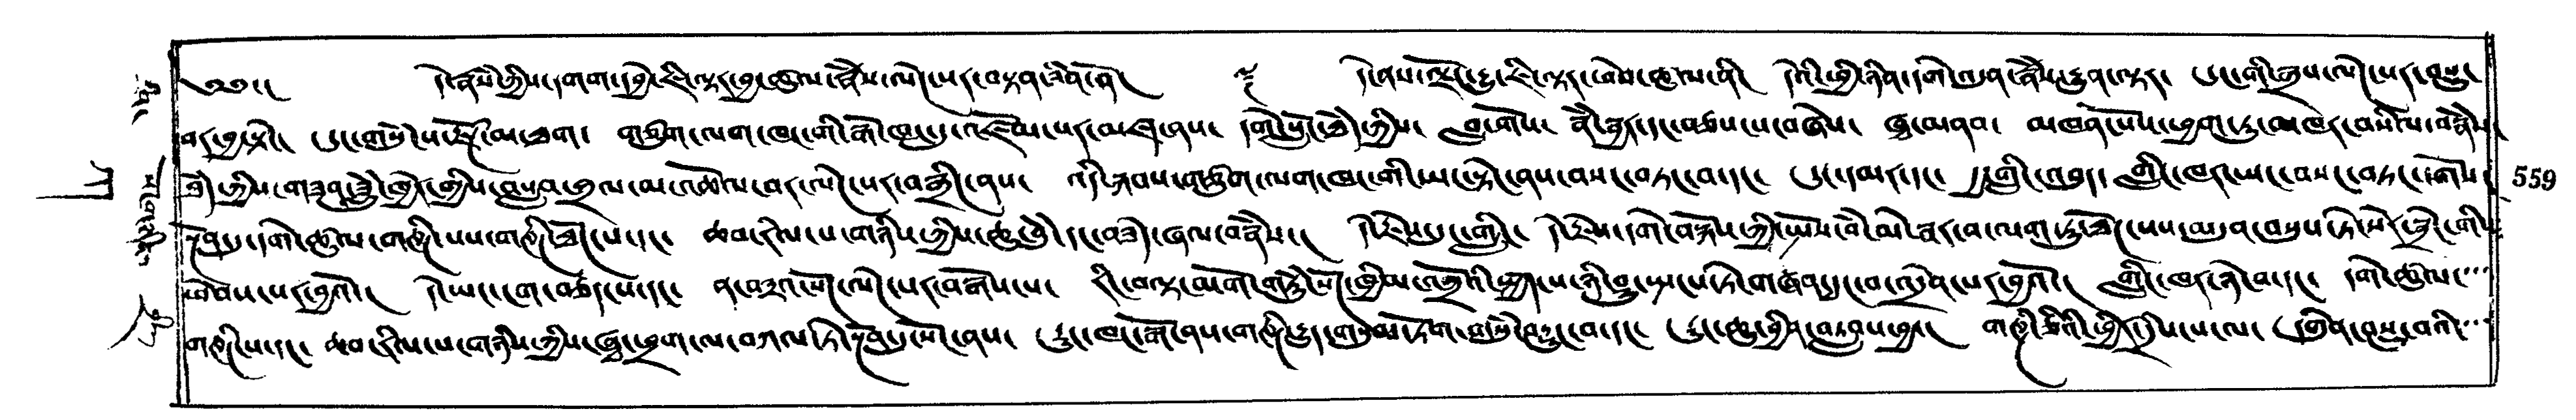དེ་རྣམས་ཀྱིས་དགག་དབྱེ་ཇི་ལྟར་བྱ་ཚུལ་རྣམས་ལེགས་པར་བསྟན་ཟིན་ནོ། ༈ དེ་ནས་ལྗོངས་རྒྱུ་ཇི་ལྟར་ཕེབས་ཚུལ་ནི། དེའི་ཕྱི་ཉིན་དགེ་འདུན་རྣམས་རྒྱུན་ལྟར། དུང་གི་སྒྲས་ལེགས་པར་འདུ་
བར་བྱས་ཏེ། དུང་གསུམ་པ་རྫོགས་མ་ཐག གཙུག་ལག་ཁང་གི་སྒོ་ཁང་དུ་འཛོམས་པར་མཇད་ནས། དགེ་སློང་ཐམས་ཅད་ཀྱིས། བླ་གོས། སྣམ་སྦྱར་དང་བཅས་པ་བཞེས། ཞྭ་མནབ། མཁན་པོས་ཕྱག་ཏུ་མཁར་བསིལ་བསྣམས།
 ཐམས་ཅད་ཀྱིས་གཟན་ཟླུམ་ཁྱེར་གྱིས་བསླབ་གྲལ་མ་འཆོལ་བར་ལེགས་པར་བསྒྲིགས་ནས། འདི་སྐབས་གཙུག་ལག་ཁང་གི་ཡང་སྟེང་ནས་བསང་བཏང་། དུང་དམར་དང་། རྒྱ་གླིང་འབུད། གླིང་ཁར་ཡང་བསང་གཏང་དགོས། 
སྔོན་དུ་དགེ་ཚུལ་གཎྜི་པས་གཎྜི་ཐོགས། ཆབ་རིལ་པ་གཉིས་ཀྱིས་ཆུ་བུམ་དང་བཟེད་ཞལ་བསྣམས། དེ་རྗེས་དུང་གླིང་།དེ་རྗེས་དགེ་སྐོས་ཀྱིས་སྤོས་བམ་མེ་སྦར་བ་ལག་ཏུ་ཐོགས་པས་མདུན་བསུས་ཏེ་སེར་སྦྲེངས་ཀྱི་
ཕེབས་པར་བྱའོ།། དེ་ཡང་ངག་བཅད་པ་དང་། ན་བཟའ་སོགས་ལེགས་པར་བགོས། རིང་བལྟ་མགོ་གཏུམ་སོགས་ཁྱིམ་འགྲོའི་སྤྱོད་པ་ཉི་ཤུ་སྤངས་ཏེ་གཞན་དང་བ་འདྲེན་པར་བྱའོ།། གླིང་ཁར་ཉེ་བ་དང་། དགེ་ཚུལ་
གཎྜི་པ་དང་། ཆབ་རིལ་པ་གཉིས་ཀྱིས་ཞྭ་ཕྲག་ལ་བཀལ་ཏེ་སྔོན་དུ་སོང་ནས། རུང་ཁང་སྒོ་ནས་གཎྜི་རྒྱུད་གསུམ་ཏོག་གསུམ་བརྡུང་བ་དང་། རུང་ཆུ་བྱིན་བརླབ་བྱ། གཎྜི་ཅིའི་ཕྱིར་ཞེས་དྲིས་པ་ལ། དགེ་འདུན་བསྡུ་བའི་